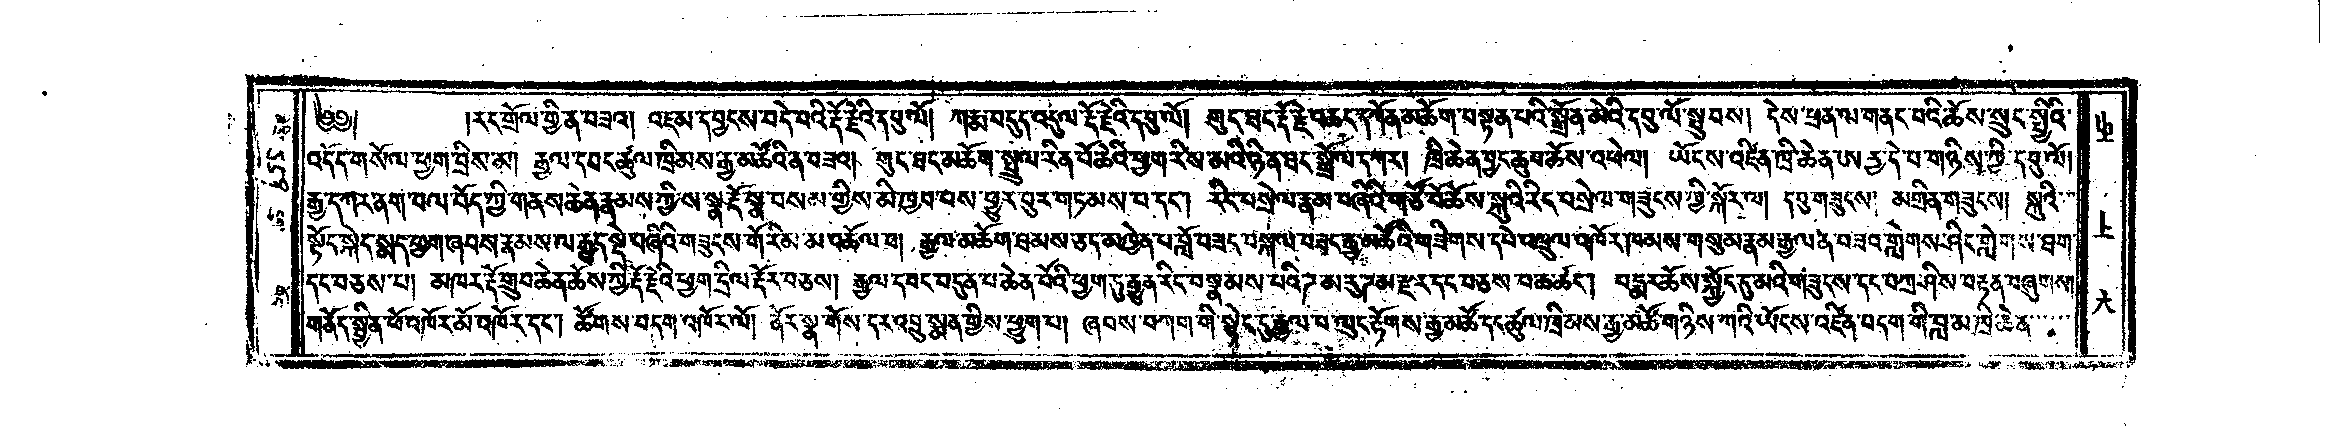༄༅། །རང་གྲོལ་གྱི་ན་བཟའ། འཇམ་དབྱངས་བདེ་བའི་རྡོ་རྗེའི་དབུ་ལོ། ཀརྨ་བདུད་འདུལ་རྡོ་རྗེའི་དབུ་ལོ། གུང་ཐང་རྡོ་རྗེ་འཆང་དཀོན་མཆོག་བསྟན་པའི་སྒྲོན་མེའི་དབུ་ལོ་སྦུབས། དེས་ཕྲན་ལ་གནང་བའི་ཆོས་སྲུང་སྤྱིའི་
འདོད་གསོལ་ཕྱག་བྲིས་མ། རྒྱལ་དབང་ཚུལ་ཁྲིམས་རྒྱ་མཚོའི་ན་བཟའ། གུང་ཐང་མཆོག་སྤྲུལ་རིན་པོ་ཆེའི་ཕྱག་རིས་མའི་ཉིན་ཐང་སྒྲོལ་དཀར། ཁྲི་ཆེན་བྱང་ཆུབ་ཆོས་འཕེལ། ཡོངས་འཛིན་ཁྲི་ཆེན་ཨརྱ་དེ་བ་གཉིས་ཀྱི་དབུ་ལོ།
རྒྱ་དཀར་ནག་བལ་བོད་ཀྱི་གནས་ཆེན་རྣམས་ཀྱི་ས་སྣ་རྡོ་སྣ་བསམ་གྱིས་མི་ཁྱབ་པས་ཕྱུར་བུར་གཏམས་པ་དང་། རིང་བསྲེལ་རྣམ་བཞིའི་གཙོ་བོ་ཆོས་སྐུའི་རིང་བསྲེལ་གཟུངས་ཀྱི་སྐོར་ལ། དབུ་གཟུངས། མགྲིན་གཟུངས། སྐུའི་
སྟོད་སྐེད་སྨད་ཕྱག་ཞབས་རྣམས་ལ་རྒྱུད་སྡེ་བཞིའི་གཟུངས་གོ་རིམ་མ་འཆོལ་བ། རྒྱལ་མཆོག་ཐམས་ཅད་མཁྱེན་པ་བློ་བཟང་བསྐལ་བཟང་རྒྱ་མཚོའི་གཟིགས་དཔེ་འཁྲུལ་འཁོར་ཁམས་གསུམ་རྣམ་རྒྱལ་ན་བཟའ་གླེགས་ཤིང་གླེགས་ཐག་
དང་བཅས་པ། མཁར་རྡོ་གྲུབ་ཆེན་ཆོས་ཀྱི་རྡོ་རྗེའི་ཕྱག་དྲིལ་རྡོར་བཅས། རྒྱལ་དབང་བདུན་པ་ཆེན་པོའི་ཕྱག་ཏུ་རྒྱུན་རིང་བསྣམས་པའི་ཌ་མ་རུ་ཌམ་རྫར་དང་བཅས་པ་ཆ་ཚང་། པདམར་ཆོས་སྐྱོང་དུ་མའི་གཟུངས་དང་བཀྲ་ཤིས་བརྟན་བཞུགས།
གནོད་སྦྱིན་ཕོ་འཁོར་མོ་འཁོར་དང་། ཚོགས་བདག་འཁོར་ལོ། ནོར་སྣ་གོས་དར་འབྲུ་སྨན་གྱིས་ཕྱུག་པ། ཞབས་བཀག་གི་སྟེང་དུ་རྒྱལ་བ་ལུང་རྟོགས་རྒྱ་མཚོ་དང་ཚུལ་ཁྲིམས་རྒྱ་མཚོ་གཉིས་ཀའི་ཡོངས་འཛིན་བདག་གི་བླ་མ་ཁྲི་ཆེན་